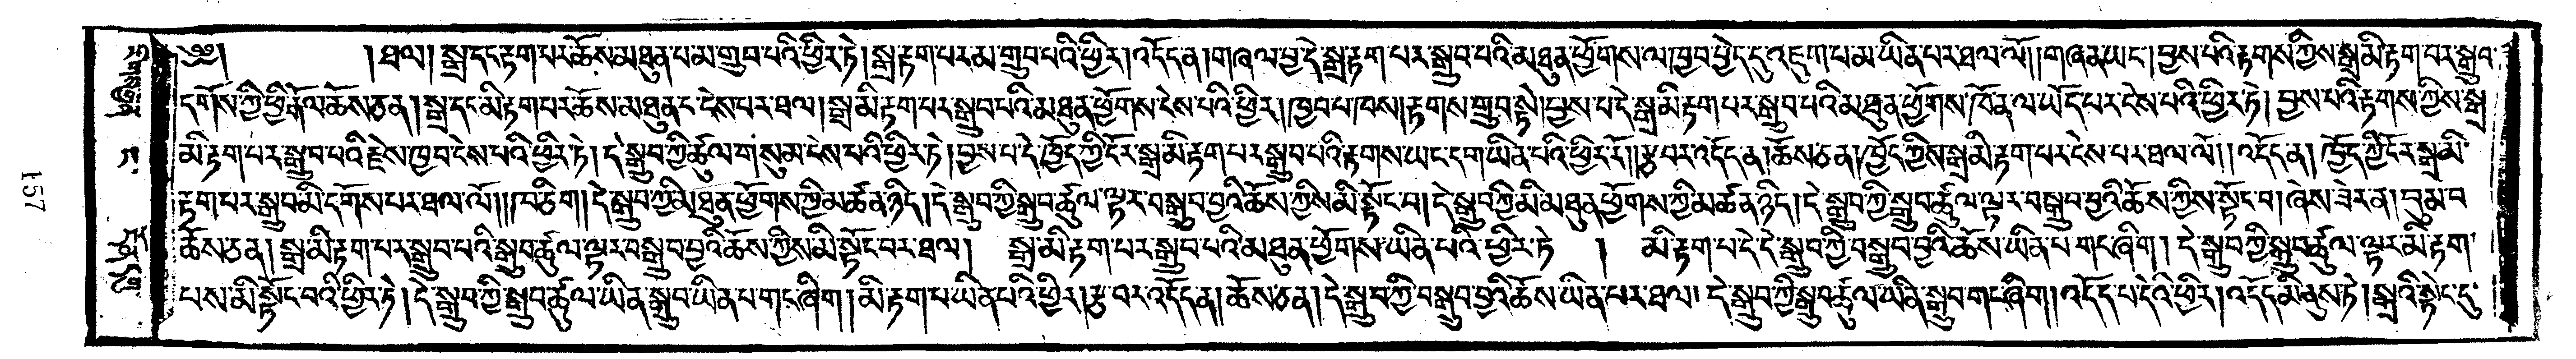༄༅། །ཐལ། སྒྲ་དང་རྟག་པར་ཆོས་མཐུན་པ་མ་གྲུབ་པའི་ཕྱིར་ཏེ། སྒྲ་རྟག་པར་མ་གྲུབ་པའི་ཕྱིར། འདོད་ན། གཞལ་བྱ་དེ་སྒྲ་རྟག་པར་སྒྲུབ་པའི་མཐུན་ཕྱོགས་ལ་ཁྱབ་བྱེད་དུ་འཇུག་པ་མ་ཡིན་པར་ཐལ་ལོ། །གཞན་ཡང་། བྱས་པའི་རྟགས་ཀྱིས་སྒྲ་མི་རྟག་པར་སྒྲུབ་
དགོས་ཀྱི་ཕྱི་རྒོལ་ཆོས་ཅན། སྒྲ་དང་མི་རྟག་པར་ཆོས་མཐུན་པ་ངེས་པར་ཐལ། སྒྲ་མི་རྟག་པར་སྒྲུབ་པའི་མཐུན་ཕྱོགས་ངེས་པའི་ཕྱིར། ཁྱབ་པ་ཁས། རྟགས་གྲུབ་སྟེ། བྱས་པ་དེ་སྒྲ་མི་རྟག་པར་སྒྲུབ་པའི་མཐུན་ཕྱོགས་ཁོ་ན་ལ་ཡོད་པར་ངེས་པའི་ཕྱིར་ཏེ། བྱས་པའི་རྟགས་ཀྱིས་སྒྲ་
མི་རྟག་པར་སྒྲུབ་པའི་རྗེས་ཁྱབ་ངེས་པའི་ཕྱིར་ཏེ། དེ་སྒྲུབ་ཀྱི་ཚུལ་གསུམ་ངེས་པའི་ཕྱིར་ཏེ། བྱས་པ་དེ་ཁྱོད་ཀྱི་ངོར་སྒྲ་མི་རྟག་པར་སྒྲུབ་པའི་རྟགས་ཡང་དག་ཡིན་པའི་ཕྱིར་རོ། །རྩ་བར་འདོད་ན། ཆོས་ཅན། ཁྱོད་ཀྱིས་སྒྲ་མི་རྟག་པར་ངེས་པར་ཐལ་ལོ། །འདོད་ན། ཁྱོད་ཀྱི་ངོར་སྒྲ་མི་
རྟག་པར་སྒྲུབ་མི་དགོས་པར་ཐལ་ལོ། །ཁ་ཅིག །དེ་སྒྲུབ་ཀྱི་མཐུན་ཕྱོགས་ཀྱི་མཚན་ཉིད། དེ་སྒྲུབ་ཀྱི་སྒྲུབ་ཚུལ་ལྟར་བསྒྲུབ་བྱའི་ཆོས་ཀྱིས་མི་སྟོང་བ། དེ་སྒྲུབ་ཀྱི་མི་མཐུན་ཕྱོགས་ཀྱི་མཚན་ཉིད། དེ་སྒྲུབ་ཀྱི་སྒྲུབ་ཚུལ་ལྟར་བསྒྲུབ་བྱའི་ཆོས་ཀྱིས་སྟོང་བ། ཞེས་ཟེར་ན། བུམ་པ་
ཆོས་ཅན། སྒྲ་མི་རྟག་པར་སྒྲུབ་པའི་སྒྲུབ་ཚུལ་ལྟར་བསྒྲུབ་བྱའི་ཆོས་ཀྱིས་མི་སྟོང་བར་ཐལ། སྒྲ་མི་རྟག་པར་སྒྲུབ་པའི་མཐུན་ཕྱོགས་ཡིན་པའི་ཕྱིར་ཏེ། མི་རྟག་པ་དེ་དེ་སྒྲུབ་ཀྱི་བསྒྲུབ་བྱའི་ཆོས་ཡིན་པ་གང་ཞིག །དེ་སྒྲུབ་ཀྱི་སྒྲུབ་ཚུལ་ལྟར་མི་རྟག་
པས་མི་སྟོང་བའི་ཕྱིར་ཏེ། དེ་སྒྲུབ་ཀྱི་སྒྲུབ་ཚུལ་ཡིན་སྒྲུབ་ཡིན་པ་གང་ཞིག །མི་རྟག་པ་ཡིན་པའི་ཕྱིར། རྩ་བར་འདོད་ན། ཆོས་ཅན། དེ་སྒྲུབ་ཀྱི་བསྒྲུབ་བྱའི་ཆོས་ཡིན་པར་ཐལ། དེ་སྒྲུབ་ཀྱི་སྒྲུབ་ཚུལ་ཡིན་སྒྲུབ་གང་ཞིག །འདོད་པ་དེའི་ཕྱིར། འདོད་མི་ནུས་ཏེ། སྒྲའི་སྟེང་དུ་